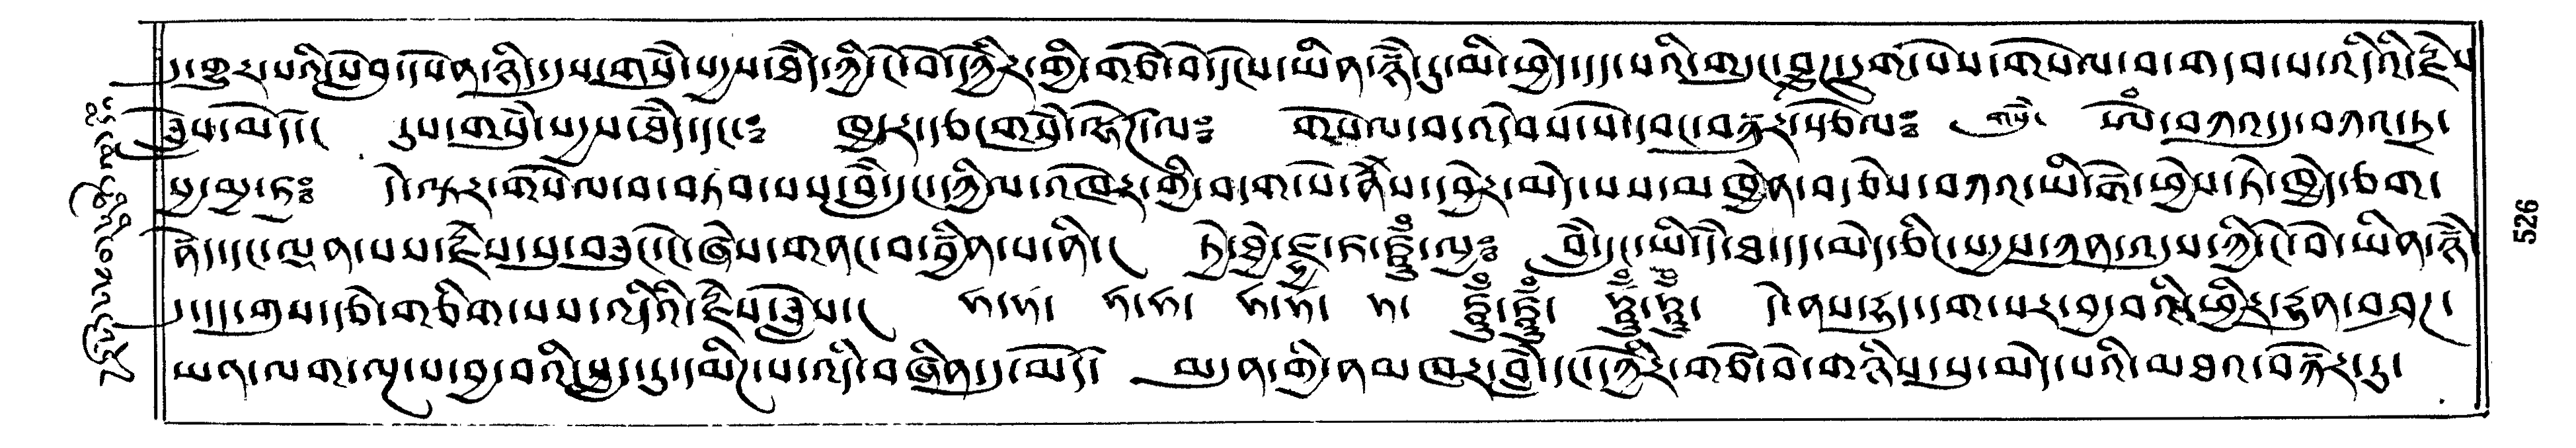དུ་གྱུར་པའི་སློབ་དཔོན་ཉིད་དུས་གསུམ་སངས་རྒྱས་ཐམས་ཅད་ཀྱི་ངོ་བོ་དཀྱིལ་འཁོར་གྱི་གཙོ་བོ་དངོས་ཡིན་སྙམ་དུ་མི་ཕྱེད་དད་པའི་གདུང་ཤུགས་དྲག་པོས་གསོལ་བ་གདབ་པ་འདིའི་རྗེས་
ཟློས་མཛོད། དུས་གསུམ་སངས་རྒྱས་ཐམས་ཅད་དང༔ ཁྱད་པར་རྩ་གསུམ་ལྷ་ཚོགས་ལ། གསོལ་བ་འདེབས་སོ་དབང་བསྐུར་སྩོལ༔ གསུམ། ཨོཾ་བཀའ་དུ་བཀའ་ཏྲ་
སྱ་མྱ་ཧྱ༔ དེ་ལྟར་གསོལ་བ་བཏབ་པས་བླ་མ་དང་དཀྱིལ་འཁོར་གྱི་བདག་པོ་རྣམས་དབྱེར་མེད་པས་མཁྱེན་བརྩེས་བཀའ་ཡི་སྒོ་ཕྱེས་ཏེ་ཁྱེད་ཅག་
སྣོད་དང་ལྡན་པས་རྗེས་སུ་བཟུང་ངོ་ཞེས་གནང་བ་སྦྱིན་པ་ནི། ཏྱེ་ཐྱེ་ཛྷྱ་ཧ་ཧཱུྃ་ལྱ༔ བླ་མ་དང་ཡི་དམ་ཐ་དད་མེད་ཅིང་སངས་རྒྱས་ཀུན་འདུས་ཀྱི་ངོ་བོ་ཡིན་སྙམ་
དུ་དད་གུས་རྩེ་གཅིག་པས་འདིའི་རྗེས་ཟློས། ཧ་ཧ། ཧ་ཧ། ཧ་ཧ། ཧ། ཧཱུྃ་ཧཱུྃ། ཧཱུྃ་ཧཱུྃ། དེ་ནས་རྒྱུད་དག་པར་བྱ་བའི་ཕྱིར་རྒྱུན་བཤགས་
ཡན་ལག་ལྔ་པ་བྱ་བའི་སླད་དུ་དམིགས་པ་འདི་བཞིན་མཛོད། མདུན་གྱི་ནམ་མཁར་བླ་མ་དང་དཀྱིལ་འཁོར་གཙོ་བོ་གཉིས་སུ་མེད་པའི་མཐའ་བསྐོར་དུ་